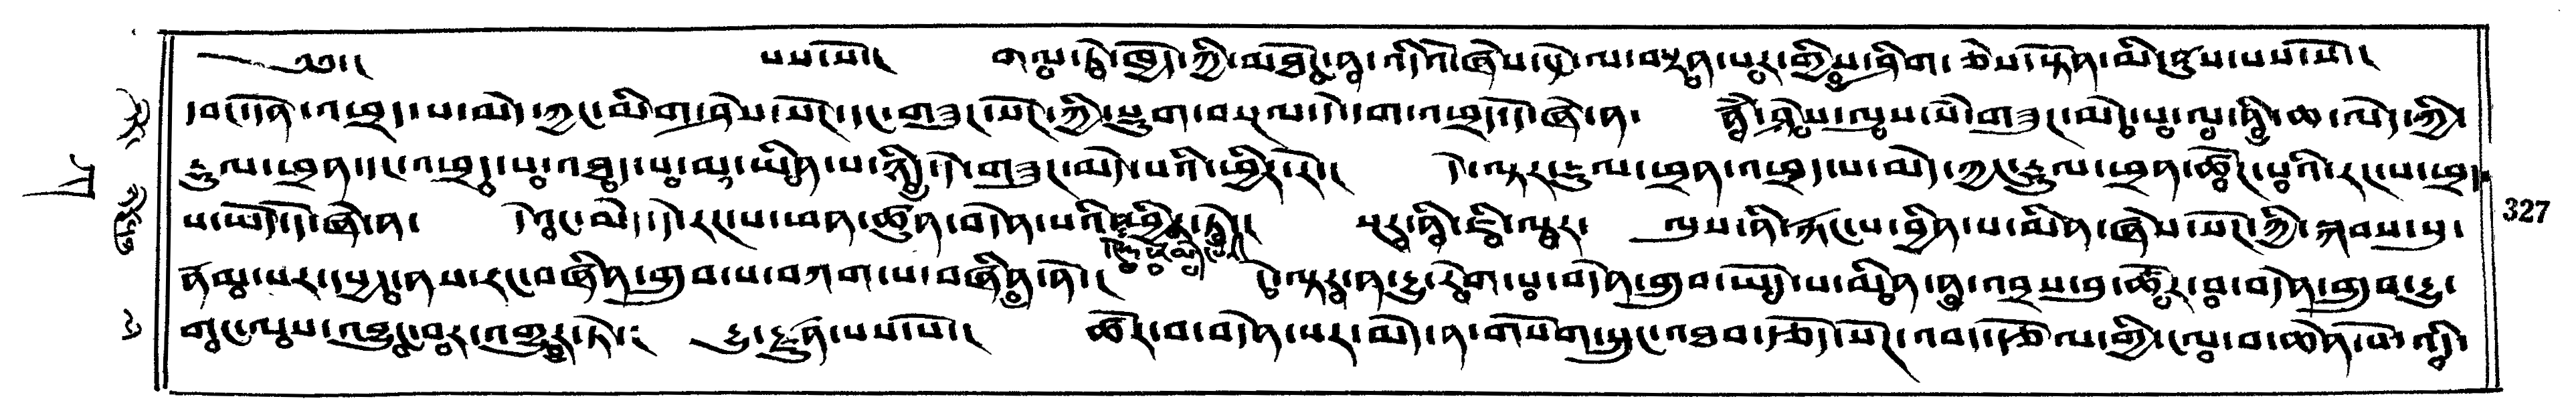པས་སོ།། གལ་ཏེ་ཁྱོད་ཀྱིས་མཐོང་ན་འདིའོ་ཞེས་ངེད་ལ་བསྟན་པར་གྱིས་ཤིག་ཅེས་སྟོན་མི་ནུས་པས་སོ།། 
དབང་དོན་འཕྲད་པ་མེད་ཀྱང་མིག་ཤེས་སོགས་དང་གཟུགས་སོགས་ཀྱི་སྡུག་བསྔལ་དེ་དག་འཕྲད་དོ་ཞེ་ན། རྣམ་ཤེས་ལུས་སམ་གཟུགས་མེད་པ་ལ་ནི་ཆ་མེད་ཀྱི་
རྡུལ་ཕྲན་དང་འཕྲད་པ་འཐད་པ་མ་ཡིན་པ་ཉིད་དེ་གཟུགས་མེད་པའི་ཕྱིར་རོ།།དེ་ལྟར་རྡུལ་ཕྲན་འཕྲད་པ་མེད་ཀྱང་རྡུལ་ཕྲན་ཚོགས་པའི་རགས་པ་འཕྲད་
པ་ཡོད་དོ་ཞེ་ན། དེའང་མེད་དེ་རགས་པ་ཕན་ཚུན་བདེན་པའི་དངོས་པོ་མེད་པའི་ཕྱིར་ཏེ། སྔར་ནི་ཇི་ལྟར། ལུས་ནི་རྐང་པ་བྱིན་པ་མིན་ཞེས་སོགས་ཀྱི་སྐབས་སུ་
རྣམ་པར་དཔྱད་ནས་རང་བཞིན་གྲུབ་པ་བཀག་པ་བཞིན་ནོ།། དེ་ལྟར་ན་རྒྱུ་རེག་པ་བདེན་གྲུབ་ཡོད་པ་མིན་ན་འབྲས་བུ་ཚོར་བ་བདེན་གྲུབ་རྒྱུ་
གང་ལས་འབྱུང་བར་འགྱུར་ཏེ། རྒྱུ་རྫུན་པས་སོ།། ཚོར་བ་བདེན་པར་མེད་ན་གསོག་སྲུང་འཐབ་རྩོད་སོགས་འབད་རྩོལ་གྱི་ངལ་བ་ཆེན་པོ་འདི་